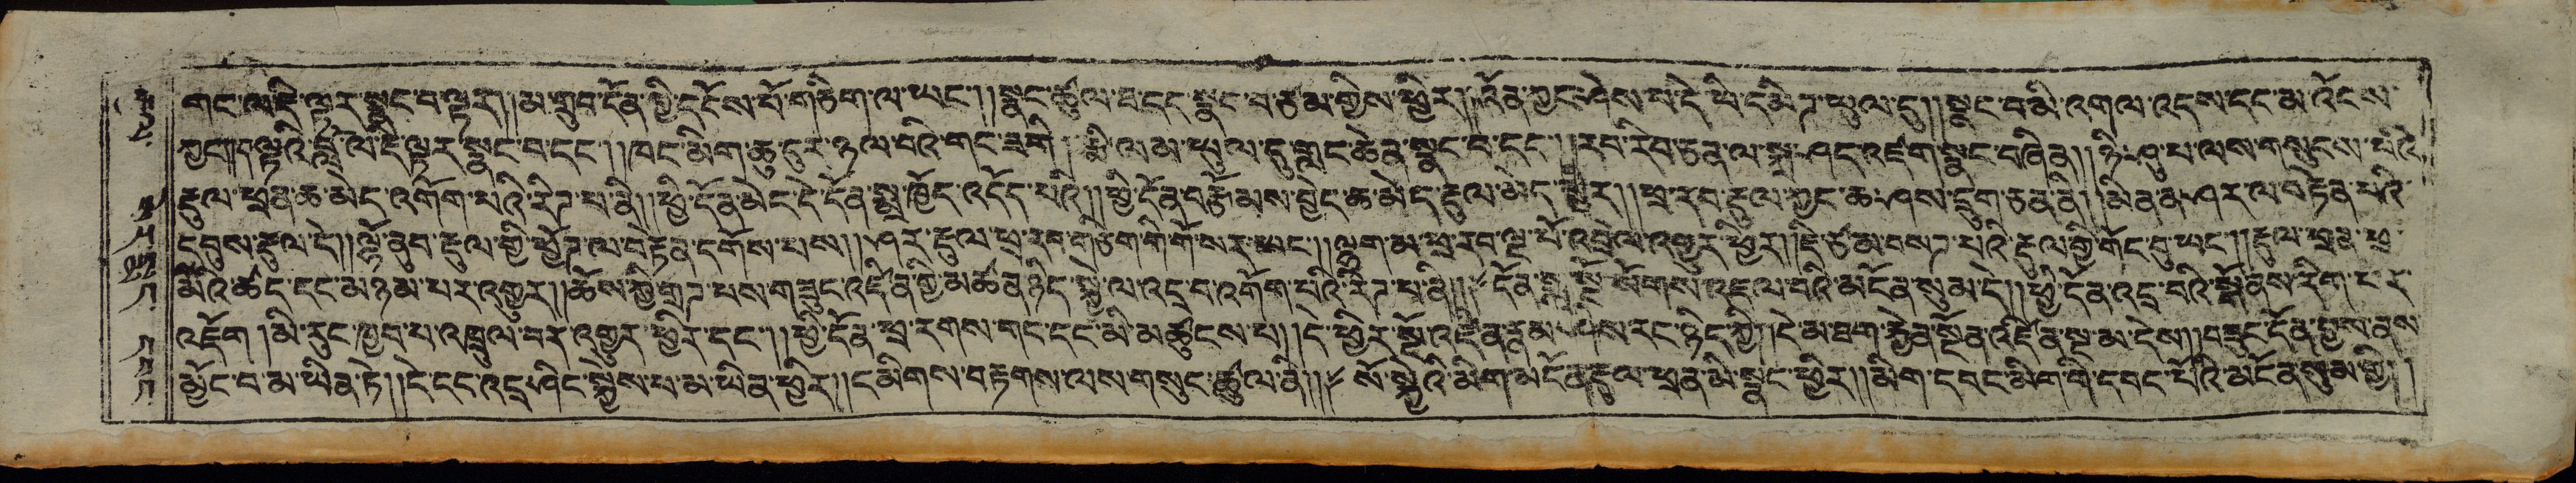གང་ལ་ཇི་ལྟར་སྣང་བ་ལྟར། །མ་གྲུབ་དོན་གྱི་དངོས་པོ་གཅིག་ལ་ཡང་། །སྣང་ཚུལ་ཐ་དད་སྣང་བ་ཙམ་གྱིས་ཕྱིར། །འོན་ཀྱང་ཤེས་པ་དེ་ཡི་དམིགས་ཡུལ་དུ། །སྣང་བ་མི་འགལ་འདས་དང་མ་འོངས་
ཀྱང་། །ད་ལྟའི་བློ་ལ་ཇི་ལྟར་སྣང་བ་དང་། །ཁང་མིག་ཆུ་ཆུང་ངུར་ཉལ་བའི་གང་ཟག་གི །རྨི་ལམ་ཡུལ་དུ་གླང་ཆེན་སྣང་བ་དང་། །རབ་རིབ་ཅན་ལ་སྐྲ་ཤད་འཛག་སྣང་བཞིན། །ཉི་ཤུ་པ་ལས་གསུངས་པའི་
རྡུལ་ཕྲན་ཆ་མེད་འགོག་པའི་རིགས་པ་ནི། །ཕྱི་དོན་མེད་དེ་དོན་སྨྲ་ཁྱོད་འདོད་པའི། །ཕྱི་དོན་བརྩོམས་བྱེད་ཆ་མེད་རྡུལ་མེད་ཕྱིར། །ཕྲ་རབ་རྡུལ་ཀྱང་ཆ་ཤས་དྲུག་ཅན་ནི། །མིན་ན་ཤར་ལ་བརྟེན་པའི་
དབུས་རྡུལ་དེ། །ལྷོ་ནུབ་རྡུལ་གྱི་ཕྱོགས་ལ་བརྟེན་དགོས་པས། །ཤར་རྡུལ་ཕྲ་རབ་གཅིག་གི་གོ་སར་ཡང་། །ལྷག་མ་ཕྲ་རབ་ལྔ་པོ་འབྲེལ་འགྱུར་ཕྱིར། །ཇི་ཙམ་བསགས་པའི་རྡུལ་གྱི་གོང་བུ་ཡང་། །རྡུལ་ཕྲན་ཕྲ་
མོའི་ཚད་དང་མཉམ་པར་འགྱུར། །ཆོས་ཀྱི་གྲགས་པས་གཟུང་འཛིན་གྱི་མཚན་ཉིད་སྐྱེ་ལ་འདྲ་བ་འགོག་པའི་རིགས་པ་ནི། ༈ །དོན་སྨྲ་སྔོ་སོགས་འཇལ་བའི་མངོན་སུམ་དེ། །ཕྱི་དོན་འདྲ་བའི་སྒོ་ནས་རིག་པར་
འཇོག །མི་རུང་ཁྱབ་པ་འཁྲུལ་བར་འགྱུར་ཕྱིར་དང་། །ཕྱི་དོན་ཕྲ་རགས་གང་དང་མི་མཚུངས་པ། །དེ་ཕྱིར་སྔོ་འཛིན་རྣམ་ཤེས་རང་ཉིད་ཀྱི། །དེ་མ་ཐག་རྐྱེན་སྔོན་འཛིན་སྔ་མ་དེས། །བཟུང་དོན་བྱས་ནས་
མྱོང་བ་མ་ཡིན་ཏེ། །དེ་དང་འདྲ་ཤིང་སྐྱེས་པ་མ་ཡིན་ཕྱིར། །དམིགས་བརྟགས་ལས་གསུང་ཚུལ་ནི། ༈ །སོ་སྐྱེའི་མིག་མངོན་རྡུལ་ཕྲན་མི་སྣང་ཕྱིར། །མིག་དབང་མིག་གི་དབང་པོའི་མངོན་སུམ་གྱི། །